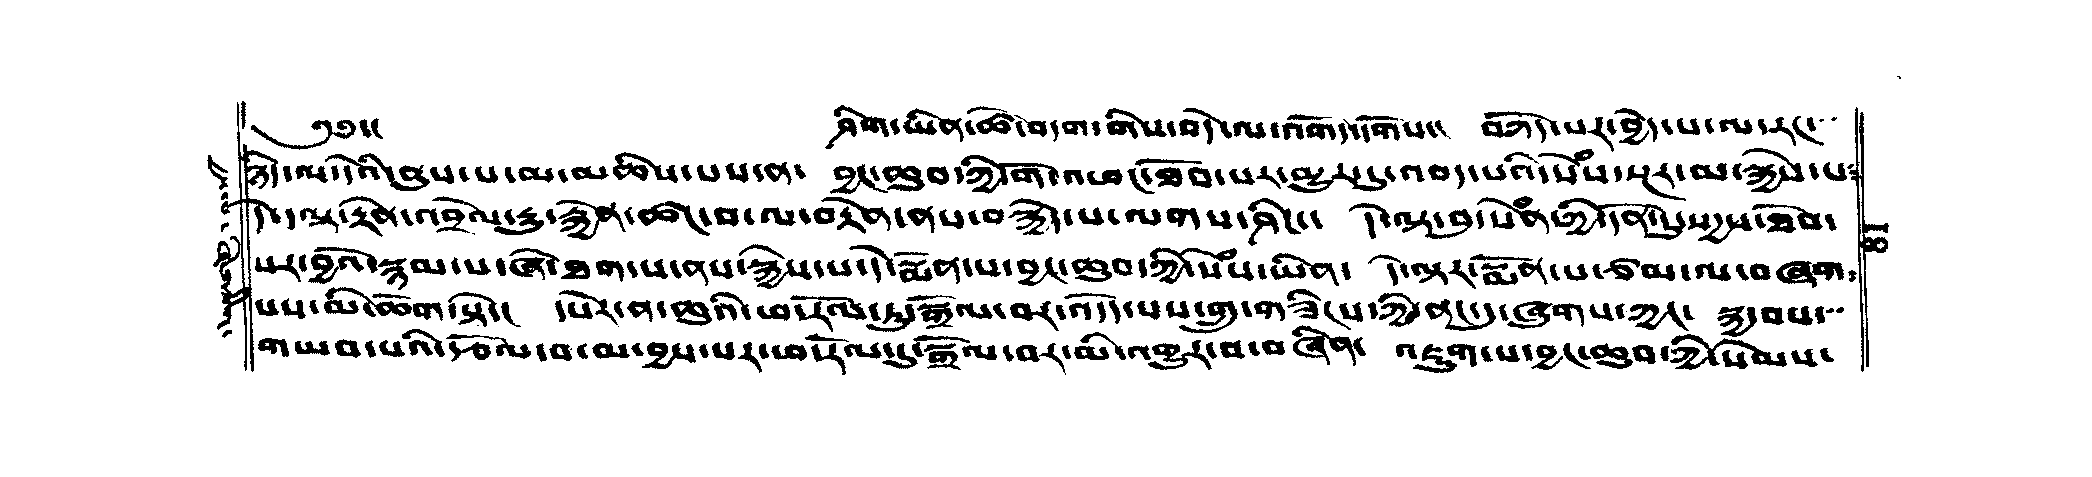ཞིག་ཡིན་ཚེ་བདག་གིས་བདེ་ལ་འགོད་དགོས། བཀོད་པར་བྱེད་པ་ལ་རང་
ཉིད་ལ་དེའི་ནུས་པ་མ་མཆིས་པས་ན། བྱང་ཆུབ་ཀྱི་གོ་འཕང་ཐོབ་པར་མྱུར་དུ་འབད་པའི་སེམས་སྔར་མ་སྐྱེས་པ་
དེ་ད་ལྟ་རྟེན་འབྲེལ་རྒྱུ་རྐྱེན་ཚང་བ་ལ་བརྟེན་ནས་བསྐྱེད་པ་ལགས་ཤིང་། དེ་ལྟ་བུ་སེམས་ཅན་གྱི་དོན་དུ་སངས་རྒྱས་ཐོབ་
པར་བྱའོ་སྙམ་པ་ཞེ་ཐག་པ་ནས་སྐྱེས་པ་དེ་སྨོན་པ་བྱང་ཆུབ་ཀྱི་སེམས་ཡིན། དེ་ལྟར་སྨོན་པ་ཙམ་ལ་བཞག་
པས་མི་ཆོག་སྟེ། དཔེར་ན་ཆུའི་ཕ་རོལ་ཏུ་སྒྲོལ་བར་འདོད་པས་གྲུ་གཟིངས་ཀྱི་ནང་དུ་ཞུགས་ཀྱང་། སྐྱ་བས་
གཡབ་པའི་རྩོལ་བ་མ་བྱས་པར་ཕ་རོལ་དུ་སྒྲོལ་བར་མི་འགྱུར་བ་བཞིན།འཇུག་པ་བྱང་ཆུབ་ཀྱི་སེམས་